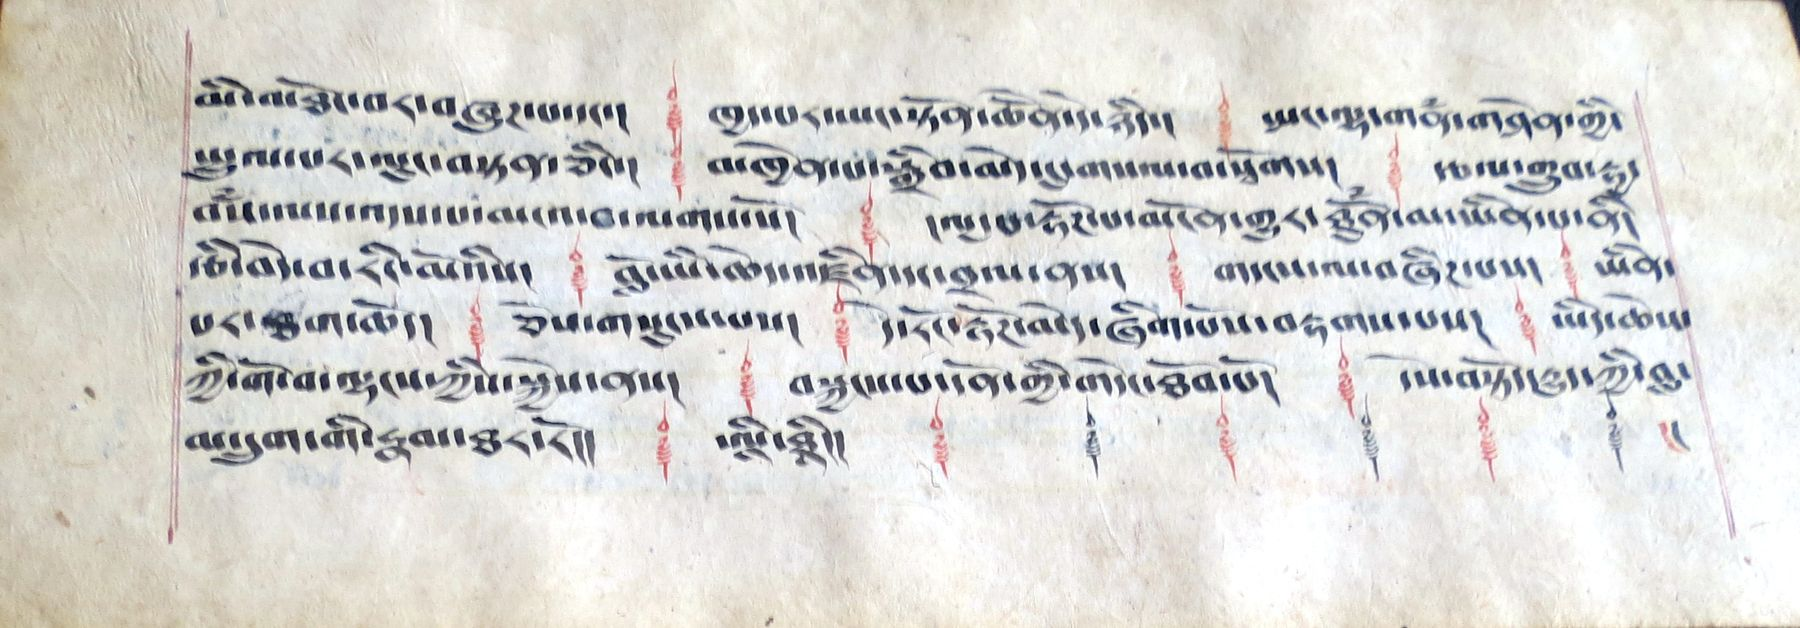མི་མཐོང་བར་བཞུགས་པ་དང་། ཁྱད་པར་ཡང་སྟོན་ཆེན་པོ་དེ་ཉིད། སྤང་ལ་ནམ་གཤེན་ཀྱི་
སྤྲུལ་པར་ལུང་བསྟན་ཅིང་། མཁྱེན་པ་སྒྲིབ་མེད་དུ་གསལ་བ་ལས་སོགས། རྩལ་གྲུབ་རྟགས་
བསམ་ལས་འདས་པར་མངའ་བ་ལགས་སོ། ། ལྔ་པ་རྟོགས་པ་མངོན་གྱུར་ཐུན་མོང་མ་ཡིན་པ་ནི། 
རྩི་བདེ་བ་རིང་མོ་ཡིས་བློ་ཡིས་ཆེད་འཛིན་དང་བྲལ་ནས་གདངས་ལ་གཞིགས་པས། ཡིན་
པར་ཐག་ཆོད། ། ཅེས་གསུངས་པས། དེ་རོང་རྟོག་མེད་ཞིག་པོས་བརྟགས་པས། ཡིད་ཆེས་
ཀྱི་གོ་བ་ལྷང་གིས་སྐྱེས་ནས་བསྐྱངས་པས། དོན་གྱི་གདེང་ཐོབ་བོ། དེས་སྟོད་རྒྱུད་ཀྱི་བླ་
མ་དྲུག་གི་རྣམ་ཐར་རོ། ། ཨཱི་ཐཱི། །